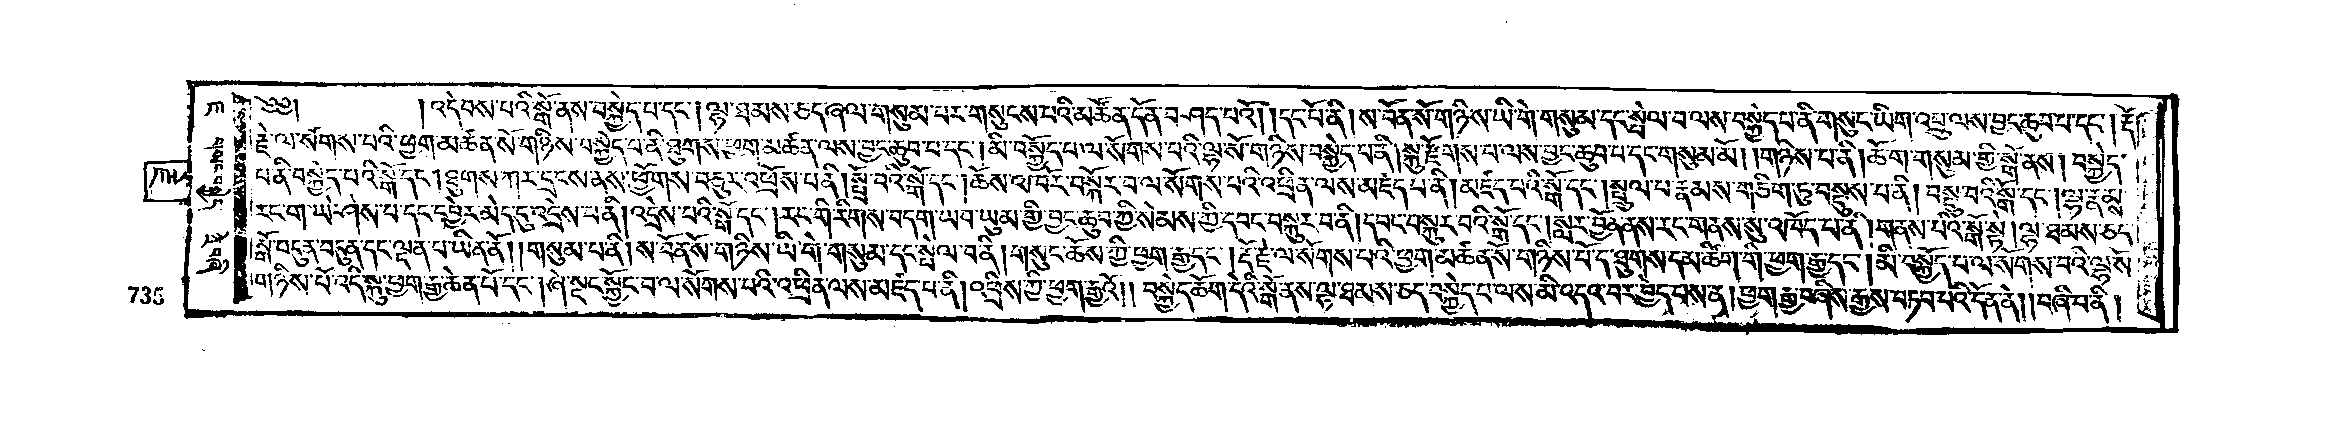༄༅། །འདེབས་པའི་སྒོ་ནས་བསྐྱེད་པ་དང་། ལྷ་ཐམས་ཅད་ཞལ་གསུམ་པར་གསུངས་པའི་མཚོན་དོན་བཤད་པའོ། །དང་པོ་ནི། ས་བོན་སོ་གཉིས་ཡི་གེ་གསུམ་དང་སྤེལ་བ་ལས་བསྐྱེད་པ་ནི་གསུང་ཡིག་འབྲུ་ལས་བྱང་ཆུབ་པ་དང་། རྡོ་
རྗེ་ལ་སོགས་པའི་ཕྱག་མཚན་སོ་གཉིས་བསྐྱེད་པ་ནི་ཐུགས་ཕྱག་མཚན་ལས་བྱང་ཆུབ་པ་དང་། མི་བསྐྱོད་པ་ལ་སོགས་པའི་ལྷ་སོ་གཉིས་བསྐྱེད་པ་ནི། སྐུ་རྫོགས་པ་ལས་བྱང་ཆུབ་པ་དང་གསུམ་མོ། །གཉིས་པ་ནི། ཆོ་ག་གསུམ་གྱི་སྒོ་ནས། བསྐྱེད་
པ་ནི་བསྐྱེད་པའི་སྒོ་དང་། ཐུགས་ཀར་དྲངས་ནས་ཕྱོགས་བཅུར་འཕྲོས་པ་ནི། སྤྲོ་བའི་སྒོ་དང་། ཆོས་འཁོར་བསྐོར་བ་ལ་སོགས་པའི་འཕྲིན་ལས་མཛད་པ་ནི། མཛད་པའི་སྒོ་དང་། སྤྲུལ་པ་རྣམས་གཅིག་ཏུ་བསྡུས་པ་ནི། བསྡུ་བའི་སྒོ་དང་། ལྷ་རྣམས་
རང་གི་ཡེ་ཤེས་པ་དང་དབྱེར་མེད་དུ་འདྲེས་པ་ནི། འདྲེས་པའི་སྒོ་དང་། རང་གི་རིགས་བདག་ཡབ་ཡུམ་གྱི་བྱང་ཆུབ་ཀྱི་སེམས་ཀྱི་དབང་བསྐུར་བ་ནི། དབང་བསྐུར་བའི་སྒོ་དང་། སླར་བྱོན་ནས་རང་གནས་སུ་འཁོད་པ་ནི། གནས་པའི་སྒོ་སྟེ། ལྷ་ཐམས་ཅད་
སྒོ་བདུན་བདུན་དང་ལྡན་པ་ཡིན་ནོ། །གསུམ་པ་ནི། ས་བོན་སོ་གཉིས་ཡི་གེ་གསུམ་དང་སྤེལ་བ་ནི། གསུང་ཆོས་ཀྱི་ཕྱག་རྒྱ་དང་། རྡོ་རྗེ་ལ་སོགས་པའི་ཕྱག་མཚན་སོ་གཉིས་པོ་དེ་ཐུགས་དམ་ཚིག་གི་ཕྱག་རྒྱ་དང་། མི་བསྐྱོད་པ་ལ་སོགས་པའི་ལྷ་སོ་
གཉིས་པོ་འདི་སྐུ་ཕྱག་རྒྱ་ཆེན་པོ་དང་། ཞེ་སྡང་སྐྱོང་བ་ལ་སོགས་པའི་འཕྲིན་ལས་མཛད་པ་ནི། འཕྲིས་ཀྱི་ཕྱག་རྒྱའོ། །བསྐྱེད་ཆོག་དེའི་སྒོ་ནས་ལྷ་ཐམས་ཅད་བསྐྱེད་པ་ལས་མི་འདའ་བར་བྱེད་པས་ན། ཕྱག་རྒྱ་བཞིས་རྒྱས་བཏབ་པའི་དོན་ནོ། །བཞི་པ་ནི།